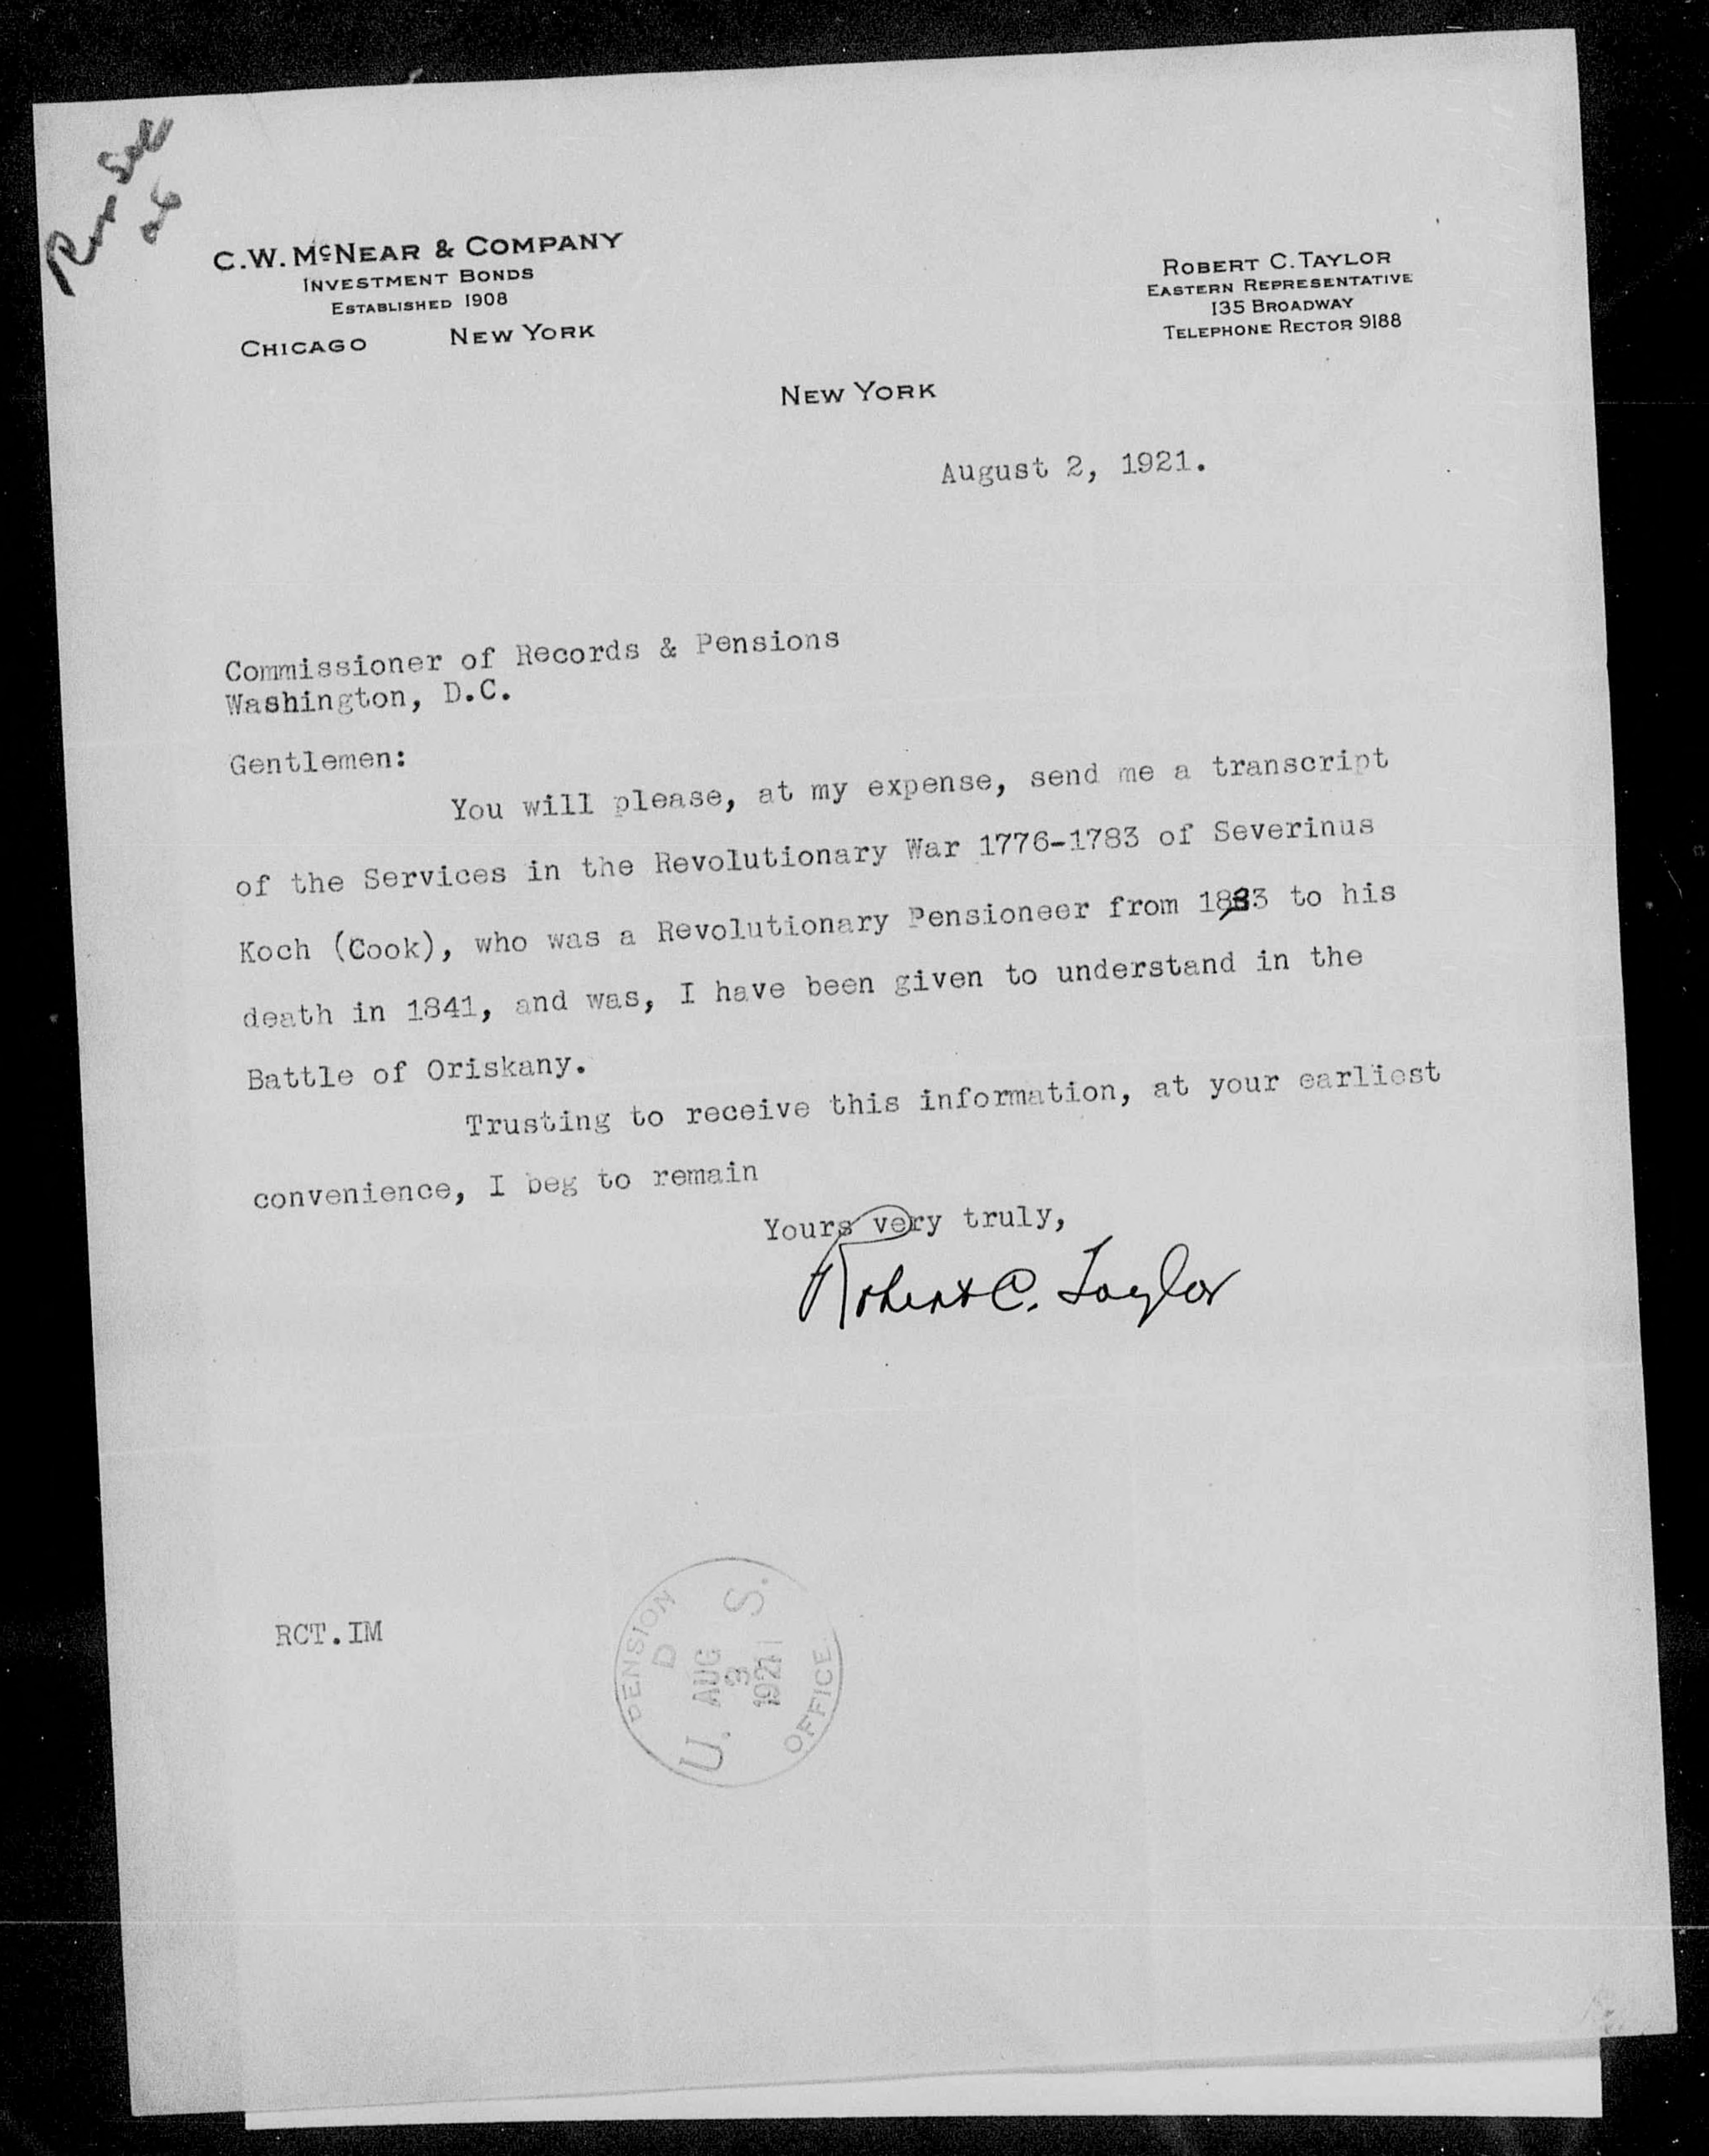C.W. MENEAR & COMPANY
INVESTMENT BONDS
ESTABLISHED 1908
CHICAGO NEW YORK

ROBERT C. TAYLOR
EASTERN REPRESENTATIVE
135 BROADWAY
TELEPHONE RECTOR 9188

NEW YORK
August 2, 1921

Commissioner of Records & Pensions
Washington, D.C.

Gentlemen:

You will please at my expense, send me a transcript of the services in the Revolutionary War 1776-1783 of Severinus Koch (Cook), who was a Revolutionary Pensioneer from 1833 to his death in 1841, and was, I have been given to understand in the Battle of Oriskany.

Trusting to receive this information, at your earliest convenience, I beg to remain

Yours very truly,
Robert C. Taylor

RCT.IM

[stamped]

U.S. Pension Office
D
Aug 3 1921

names: Severinus Koch, Robert C Taylor, Severinus Cook, Robert C Taylor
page: 20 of 51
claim: survivor's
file: S. 12563, Severinus Cook, New York